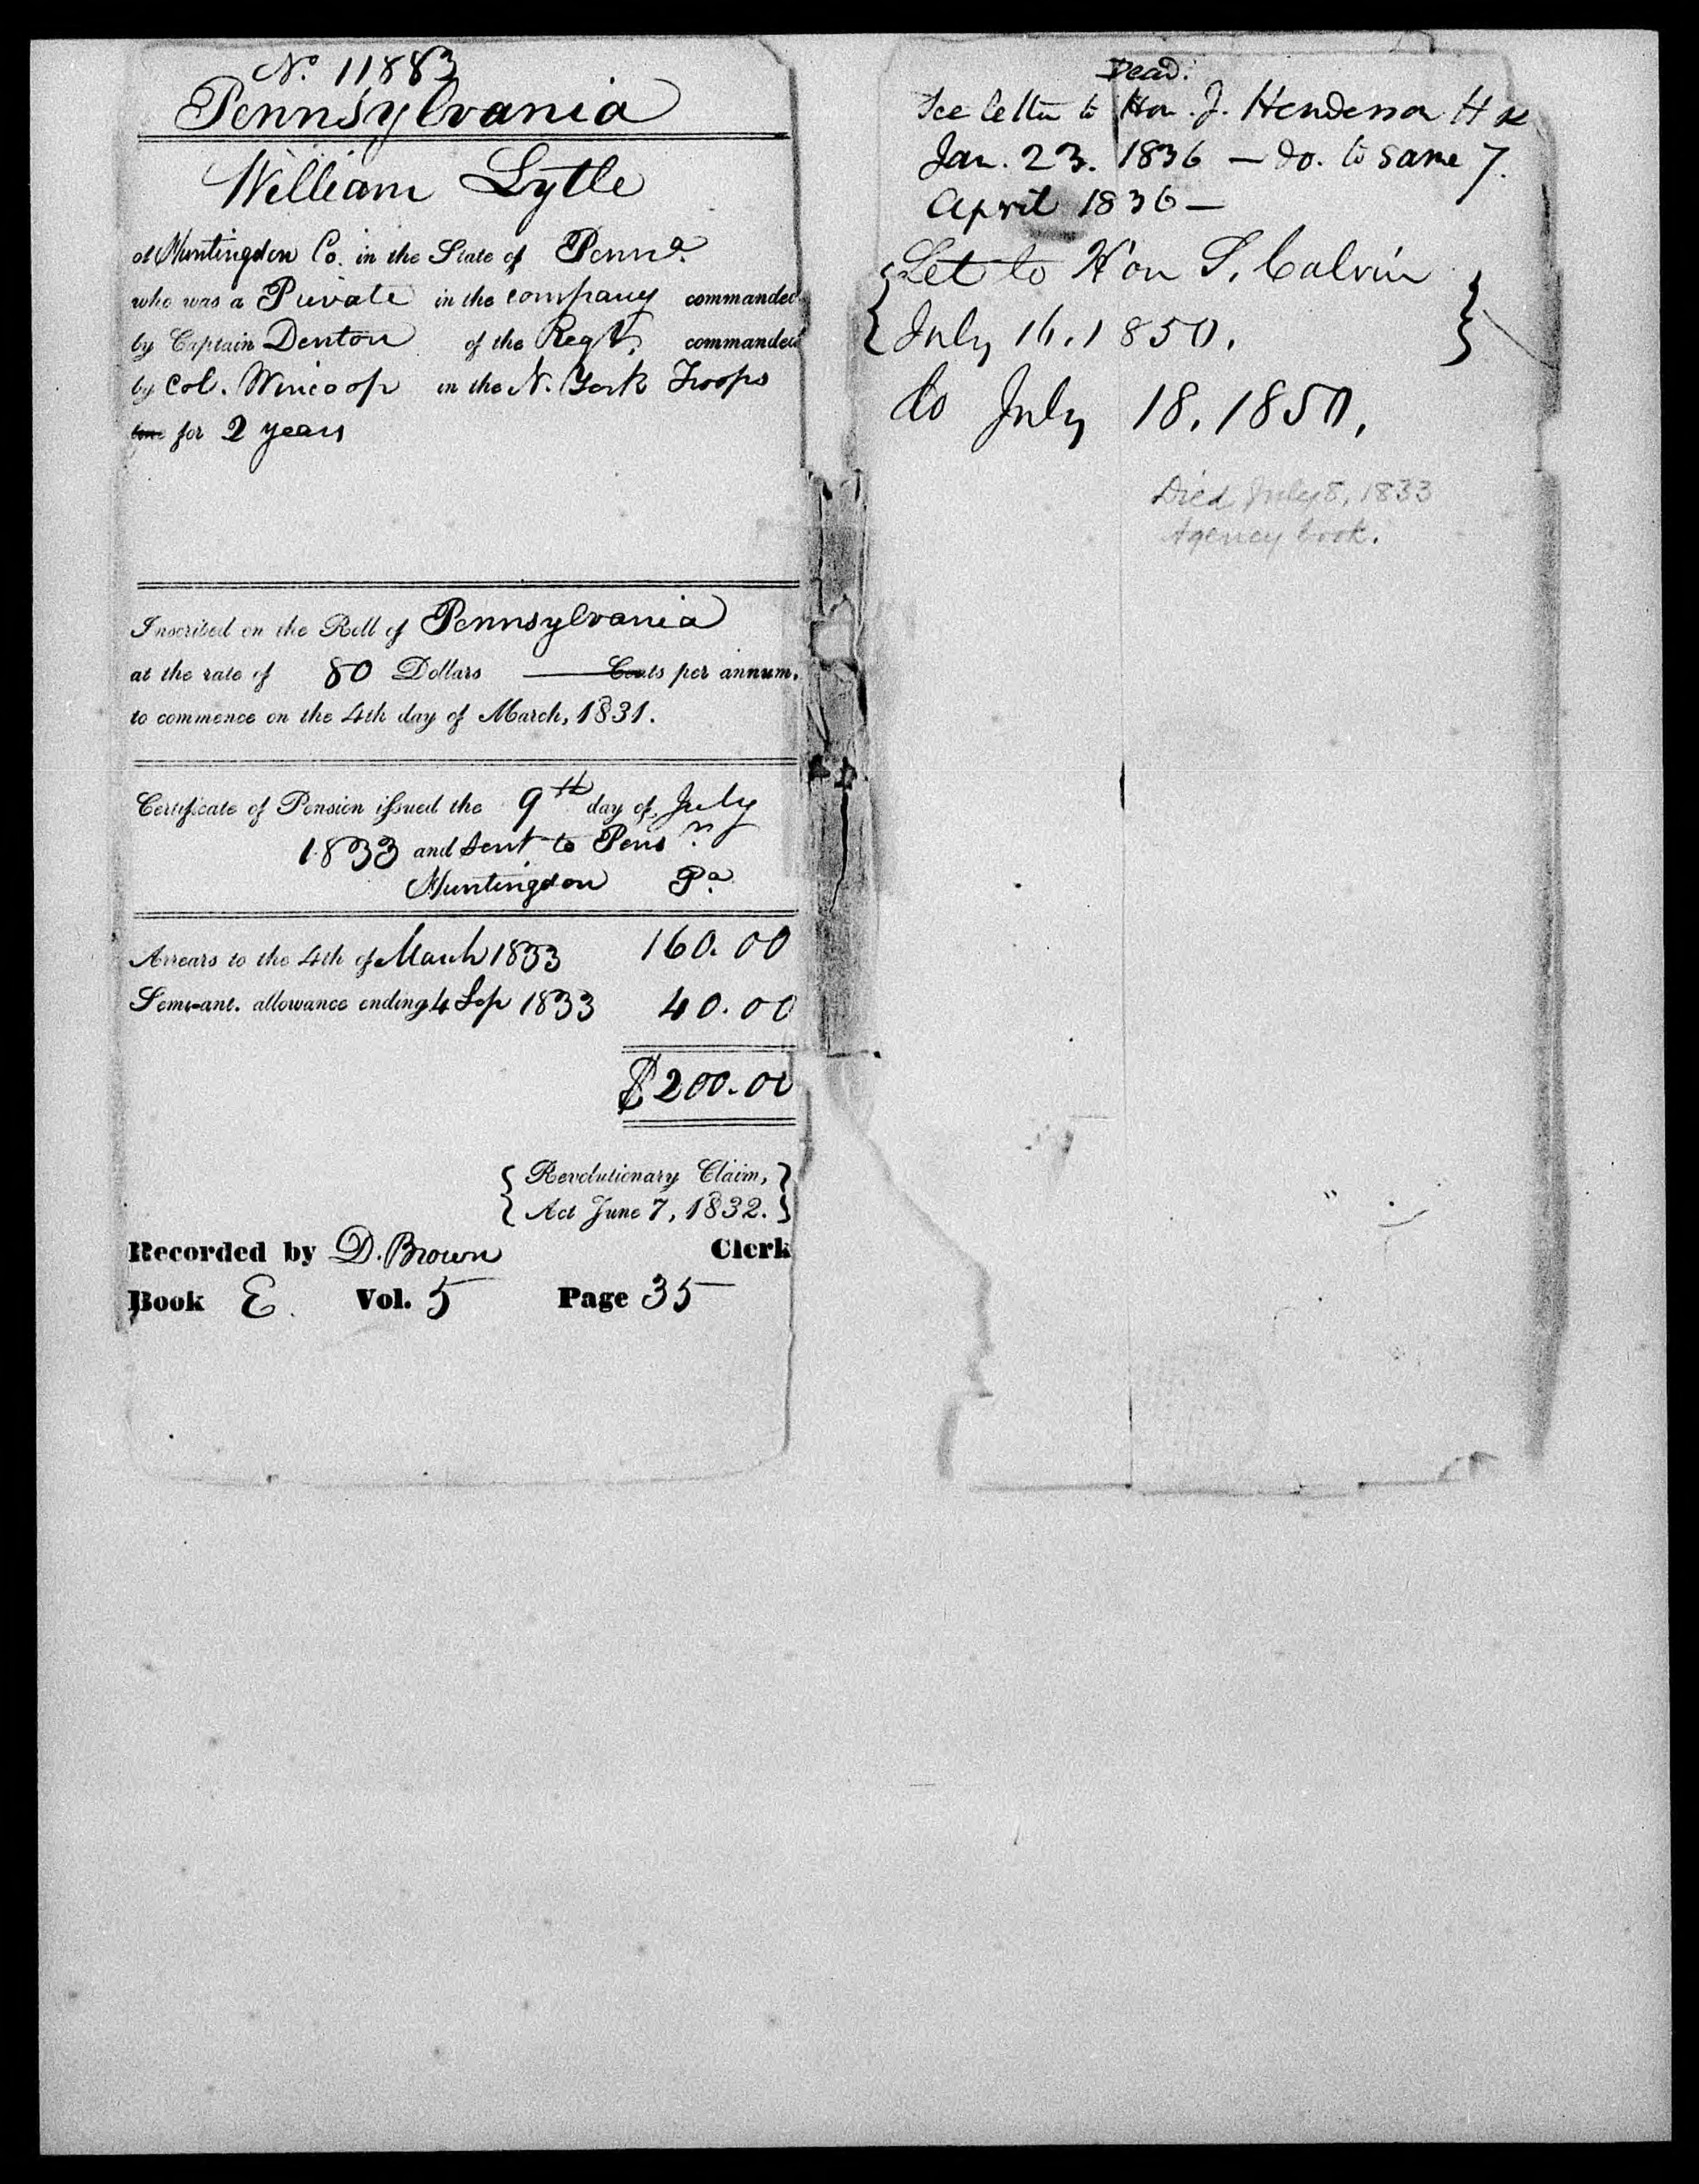No 11883
Pennsylvania
William Lytle
of Huntingdon Co. in the State of Penn
who was a Private in the company commanded
by Captain Denton
of the Regt commanded
by Col Wincoop in the N. York Troops
for 2 years
Inscribed on the Roll of Pennsylvania
at the rate of 80 Dollars ___Cents per annum
to commence on the 4th day of March, 1831.
Certificate of Pension issued the 9th day of July
1833 and sent to Pens. Huntingdon Pa.
Arrears to the 4th of March 1833 - $160
Semi-anl. allowance ending 4 Sep 1833-$40
[total] $200.00

{Revolutionary Claim,
Act June 7, 1832.}
Recorded by D. Brown Clerk
Book E, Vol. 5, Page 35

Dec'd
See letter to  Hon. J. Henderson, H.R.
Jan. 23, 1836 - do. to same 7.
April 1836 -
Let to Hon S. Calvin
July 16, 1850.
do. July 18, 1850.

Died July 8, 1833
Agency book.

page: 2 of 24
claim: survivor's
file: S. 13810, for William Lytle, New York